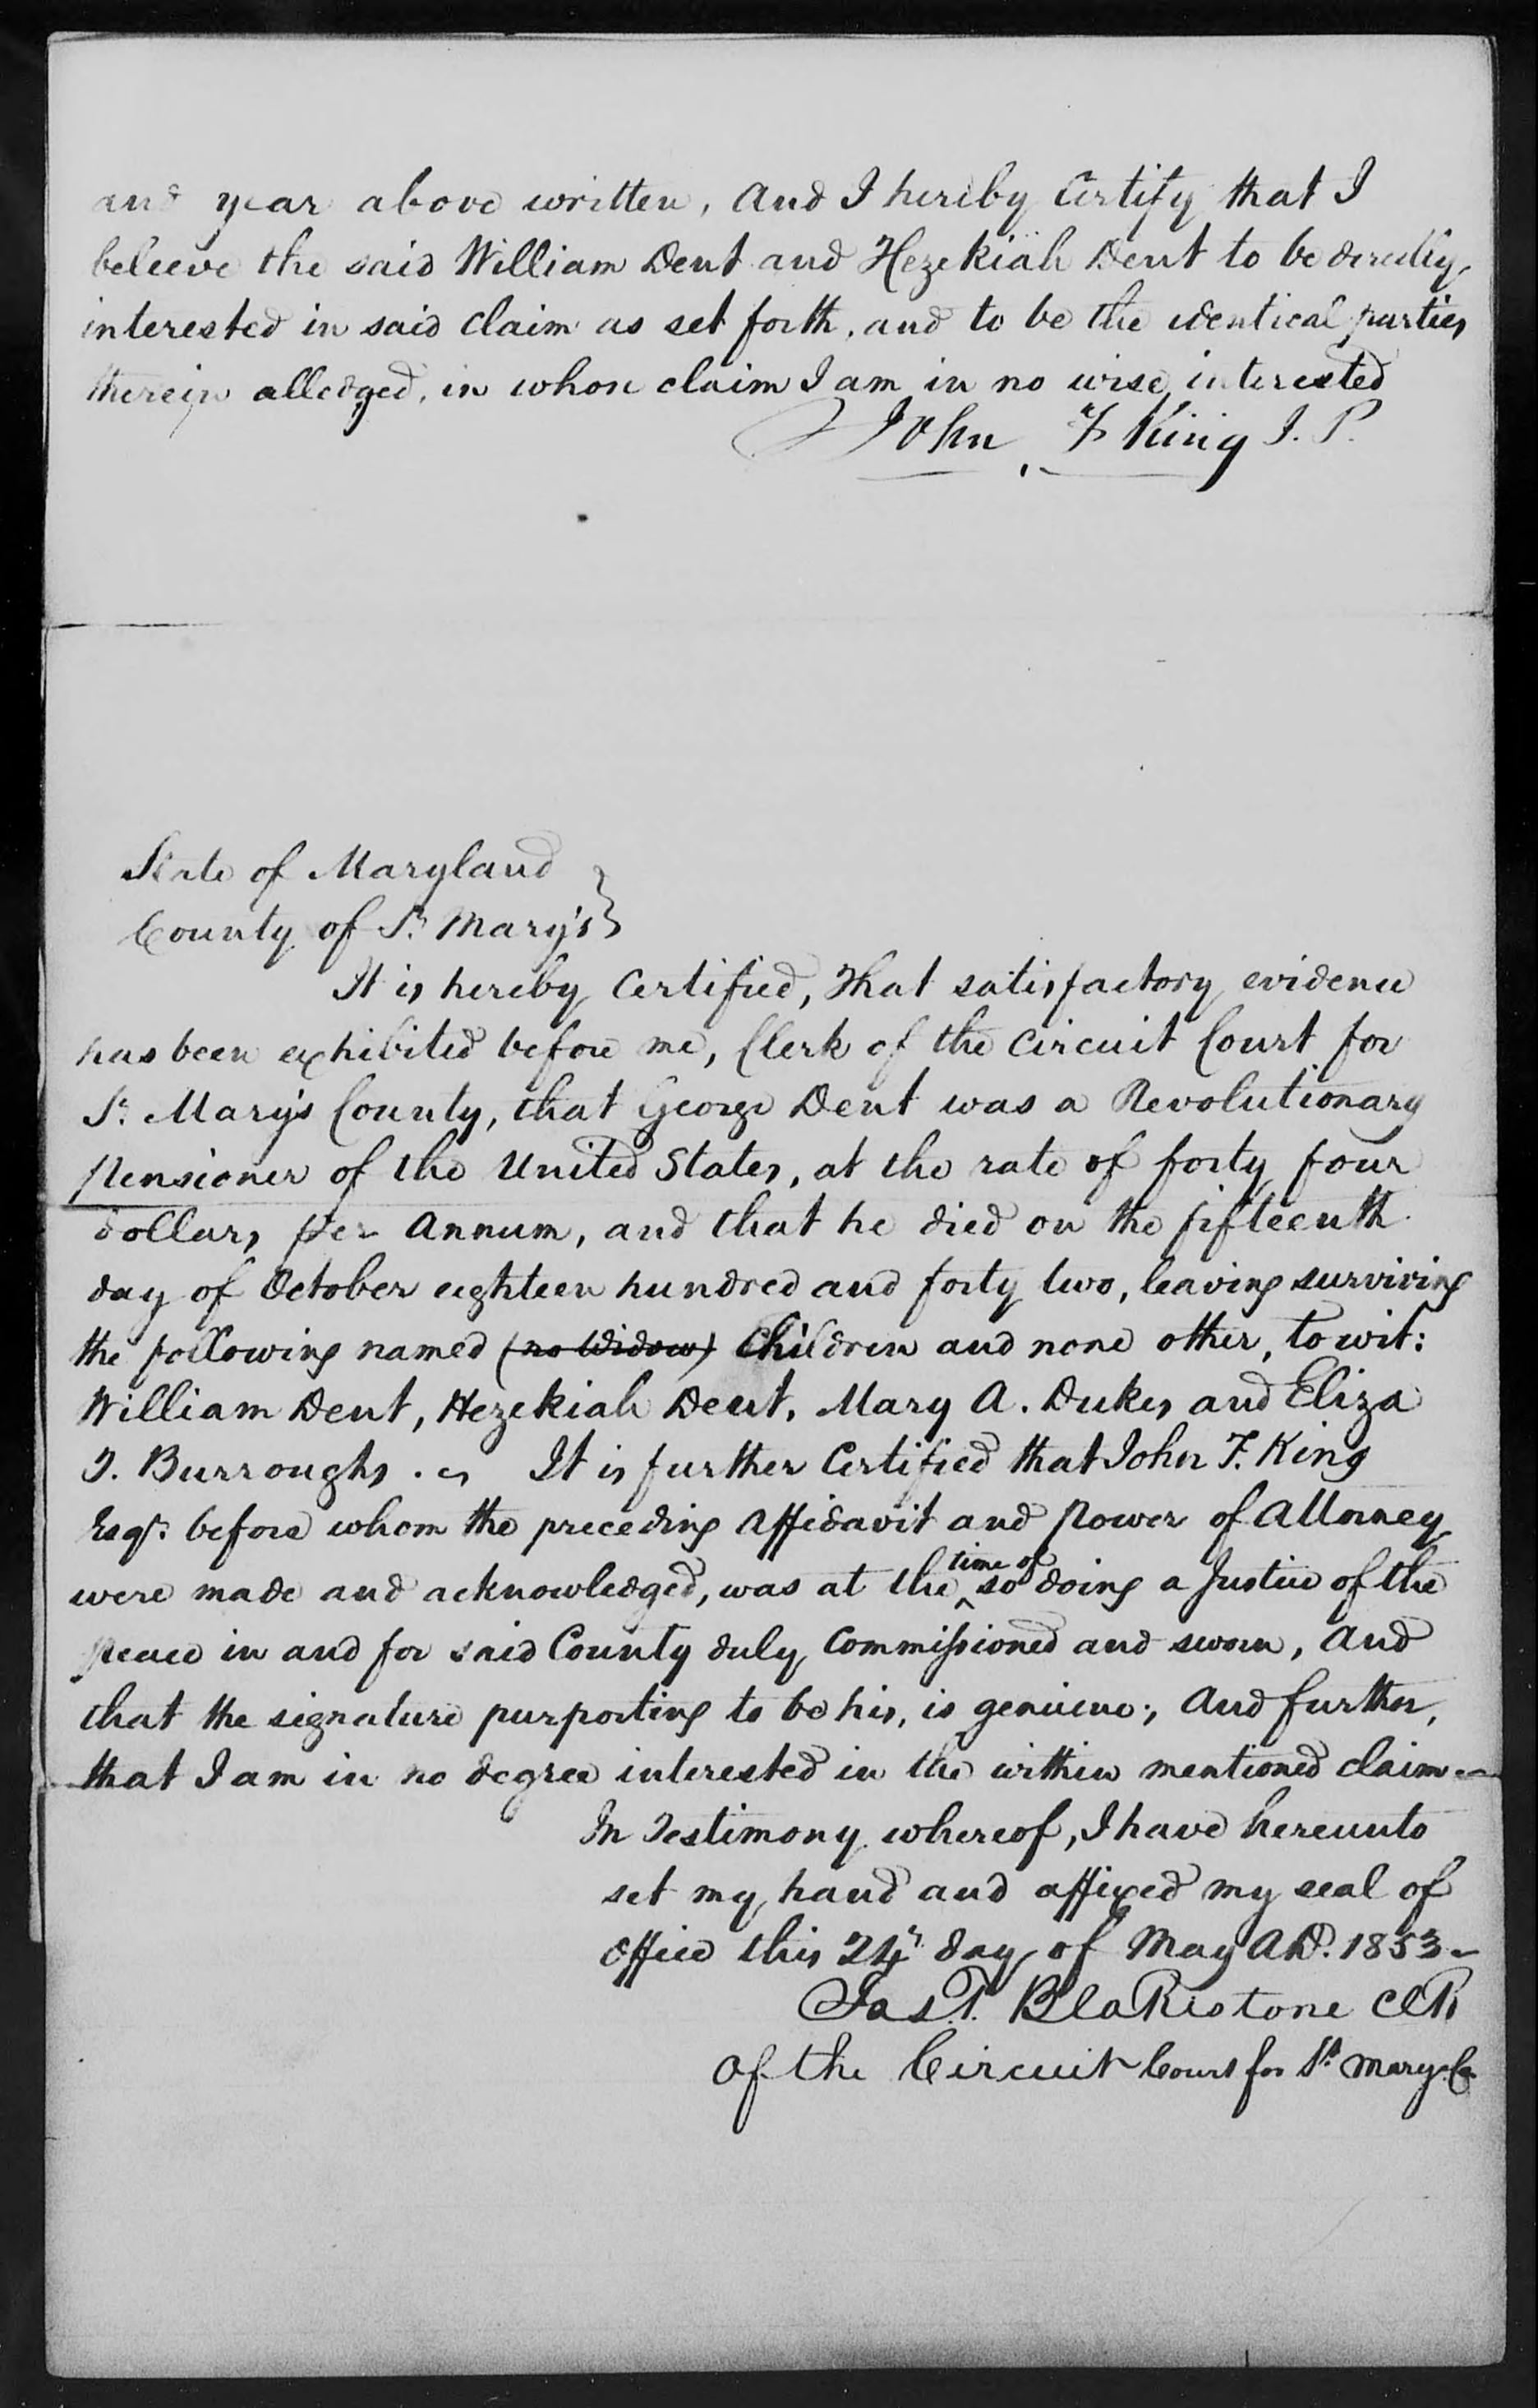and year above written, and I hereby certify that I believe the said William Dent and Hezekiah Went to be directly interested in said claim as set forth, and to be the identical parties therein alledged, in whose claim I am in no wise interested John King J.P. 

State of Maryland County of S. Mary's has been exhibited before me, Clerk of the Circuit Court for St Mary's County, that George Dent was a Revolutionary pensioner of the United States, at the rate of forty fourdollars  per annum, and that he died on the fifteenth day of October eighteen hundred and forty two, leaving surviving a the following named [no widow/ crossed out] children and none other, to wit: William Dent, Hezekiah Dent, Mary A. Dukes and Eliza J. Burroughs.- It is further certified that John T. King Esq before whom the preceding affidavit and power of Attorney were made and acknowledged, was at the [carat: time of] so doing a Justice of the peace in and for said County duly commissioned and sworn, and that the signature purporting to be his, is genuine, and further, that I am in no degree interested in the within mentioned claim 
In Testimony whereof, I have hereunto set my hand and affixed my seal of Office this 24th day of May AD 1853 Jas T. Blakistone Clk of the Circuit Court for St Mary Co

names: William Dent, Jas T Blakistone, Eliza T Burroughs, John F King, William Dent, Mary A Dukes, John F King, George Dent, Hezekiah Dent, Hezekiah Dent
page: 14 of 49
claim: survivor's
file: S. 12755, George Dent, Md.